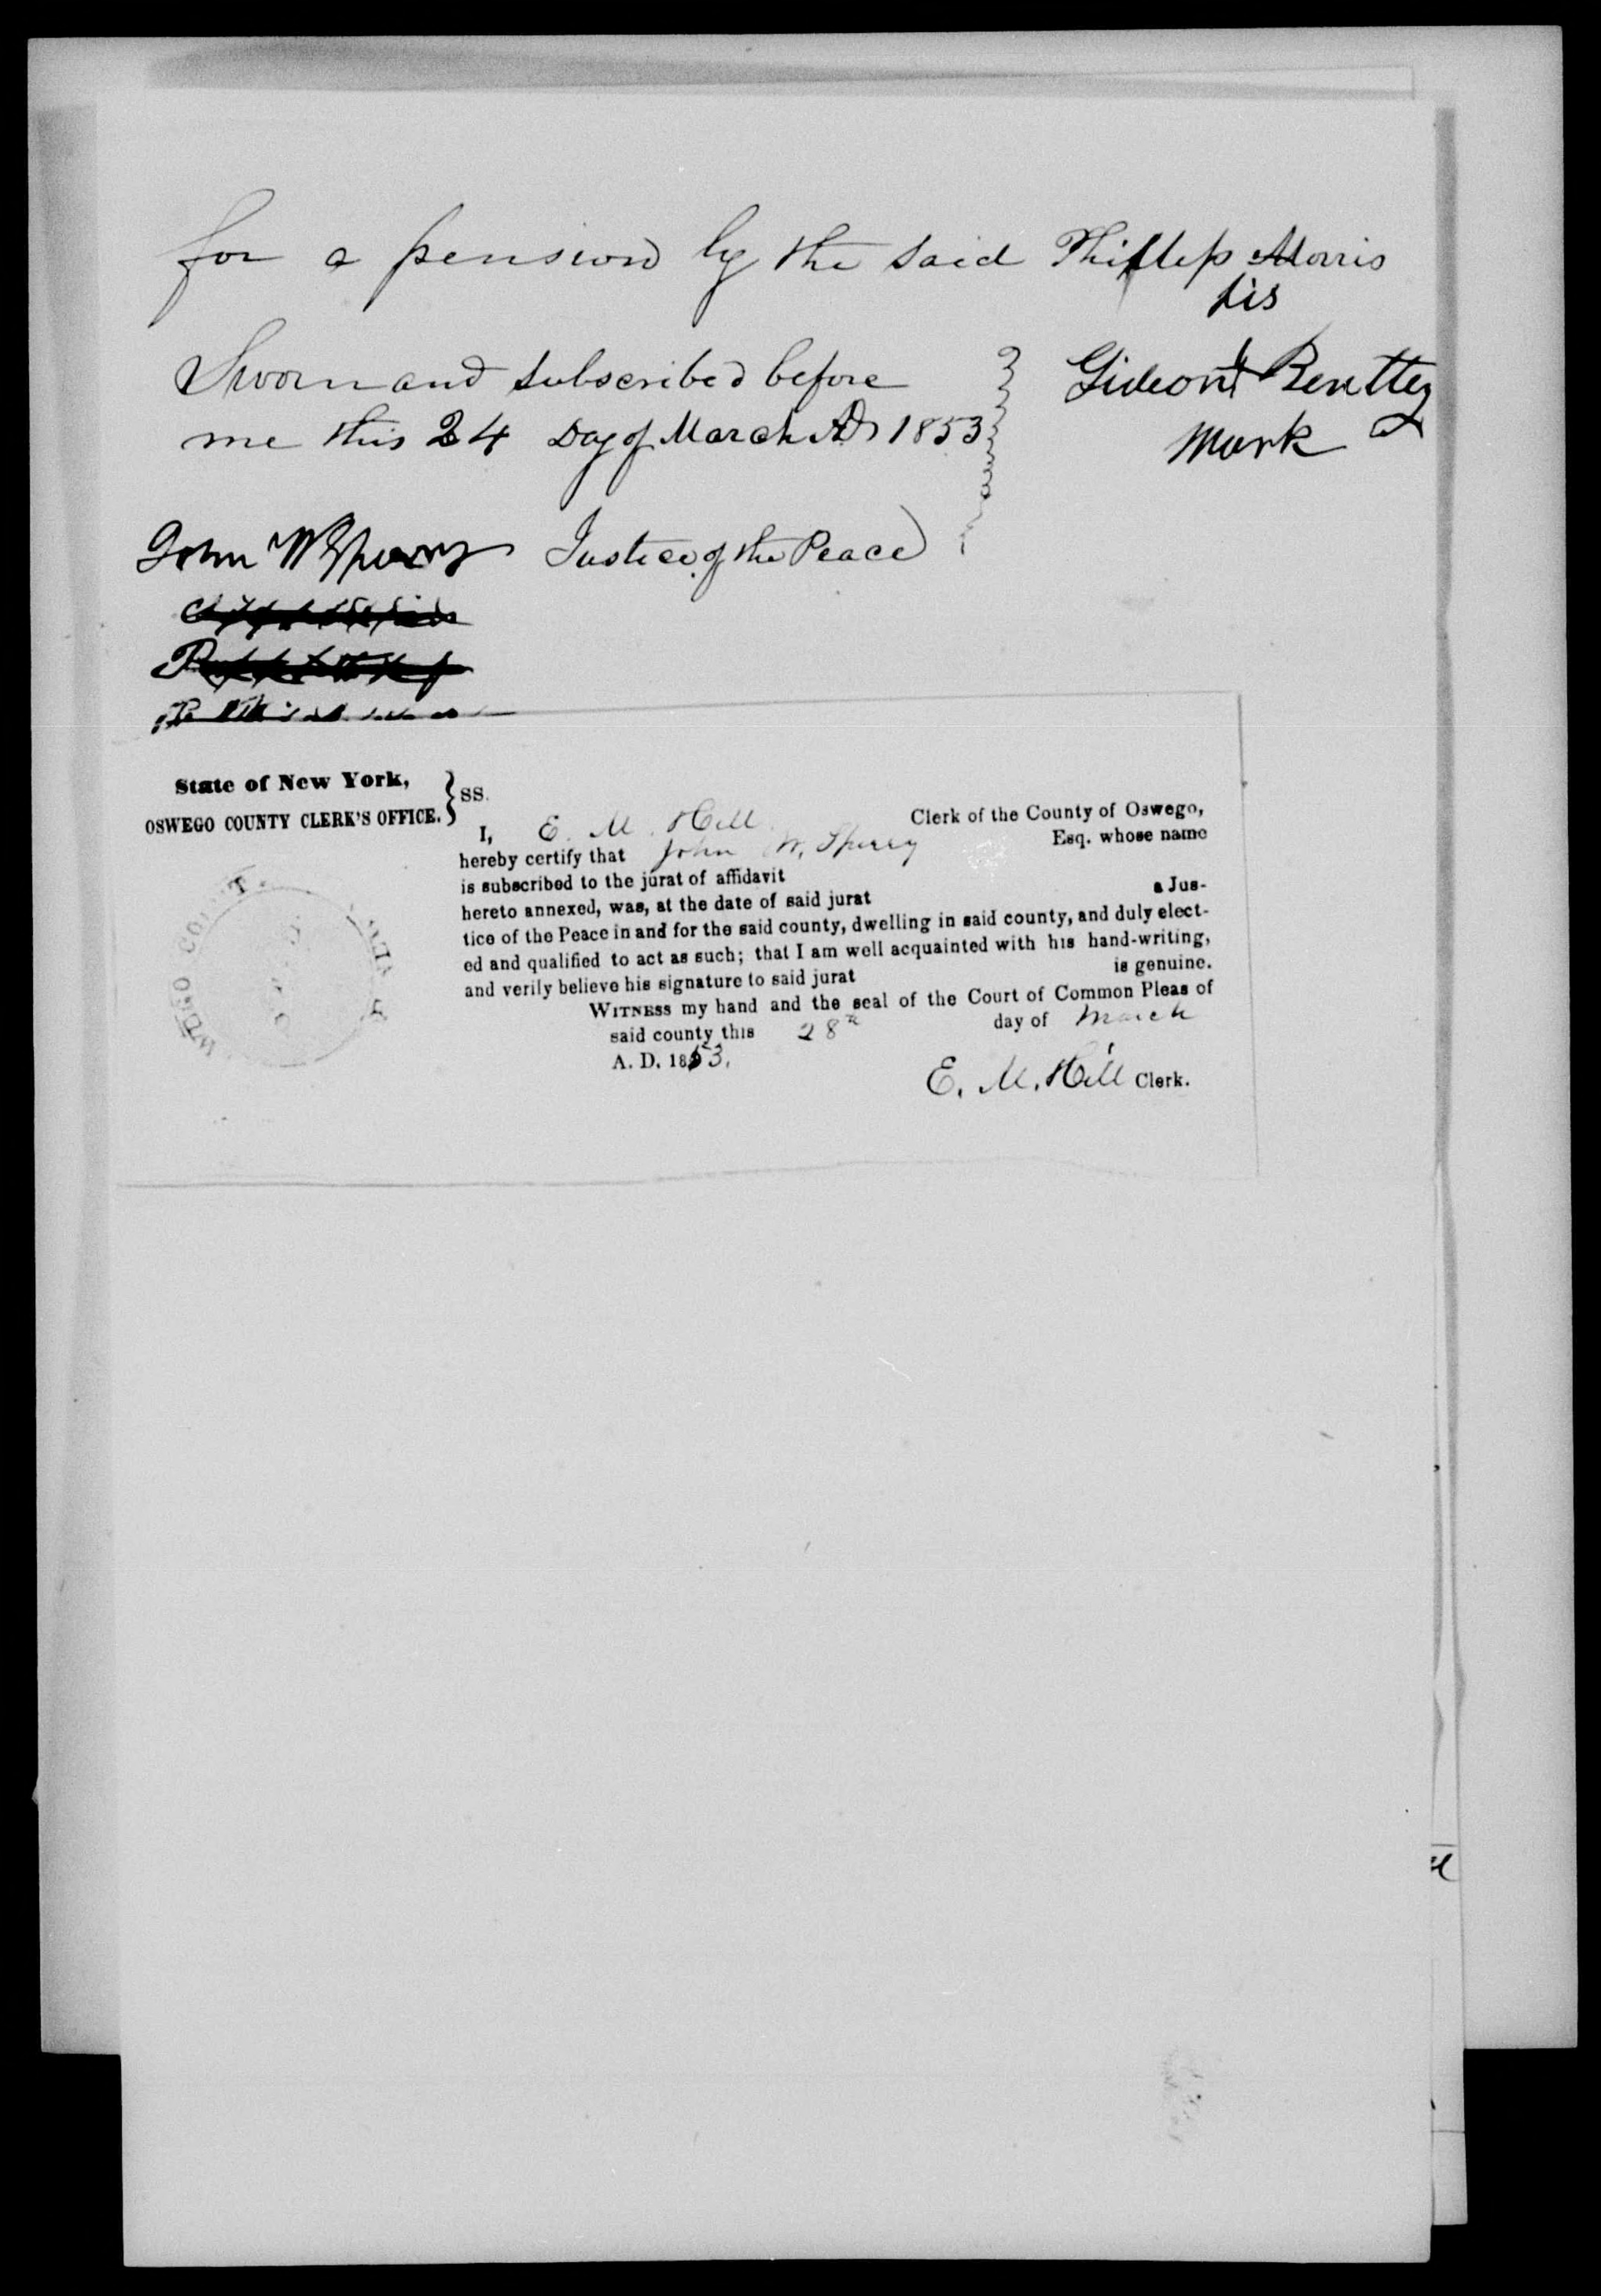for a pension by the said Phillip Morris
his mark X Gideon Bentley 

Sworn and subscribed before me this 24 day of March A.D. 1853 
John W Sperry  Justice of the Peace 

State of New York
OSWEGO COUNTY CLERK'S OFFICE } 88

I, E M Hill Clark of the County of Oswego, hereby certify that John W Sperry Esz. whose name is subscribed to the jurst of affidavit ___ hereto annexed, was, at the date of said just ____ a Justice of the Peace in and for the said county, dwelling in said county and duly elected and qualified to act as such; that I am well acquainted with his hand-writing, and verily believe his signature to said jurat ____ is genuine. 
Witness may hand and the seal of the Court of Common Pleas of said county this 28th day of March A.D. 1853

E.M. Hill  Clerk.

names: John W Sperry; E M Hill; Gideon Bentley; Phillip Morris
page: 25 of 44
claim: survivor's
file: S. 28,815, for Philip Morris, Rhode Island